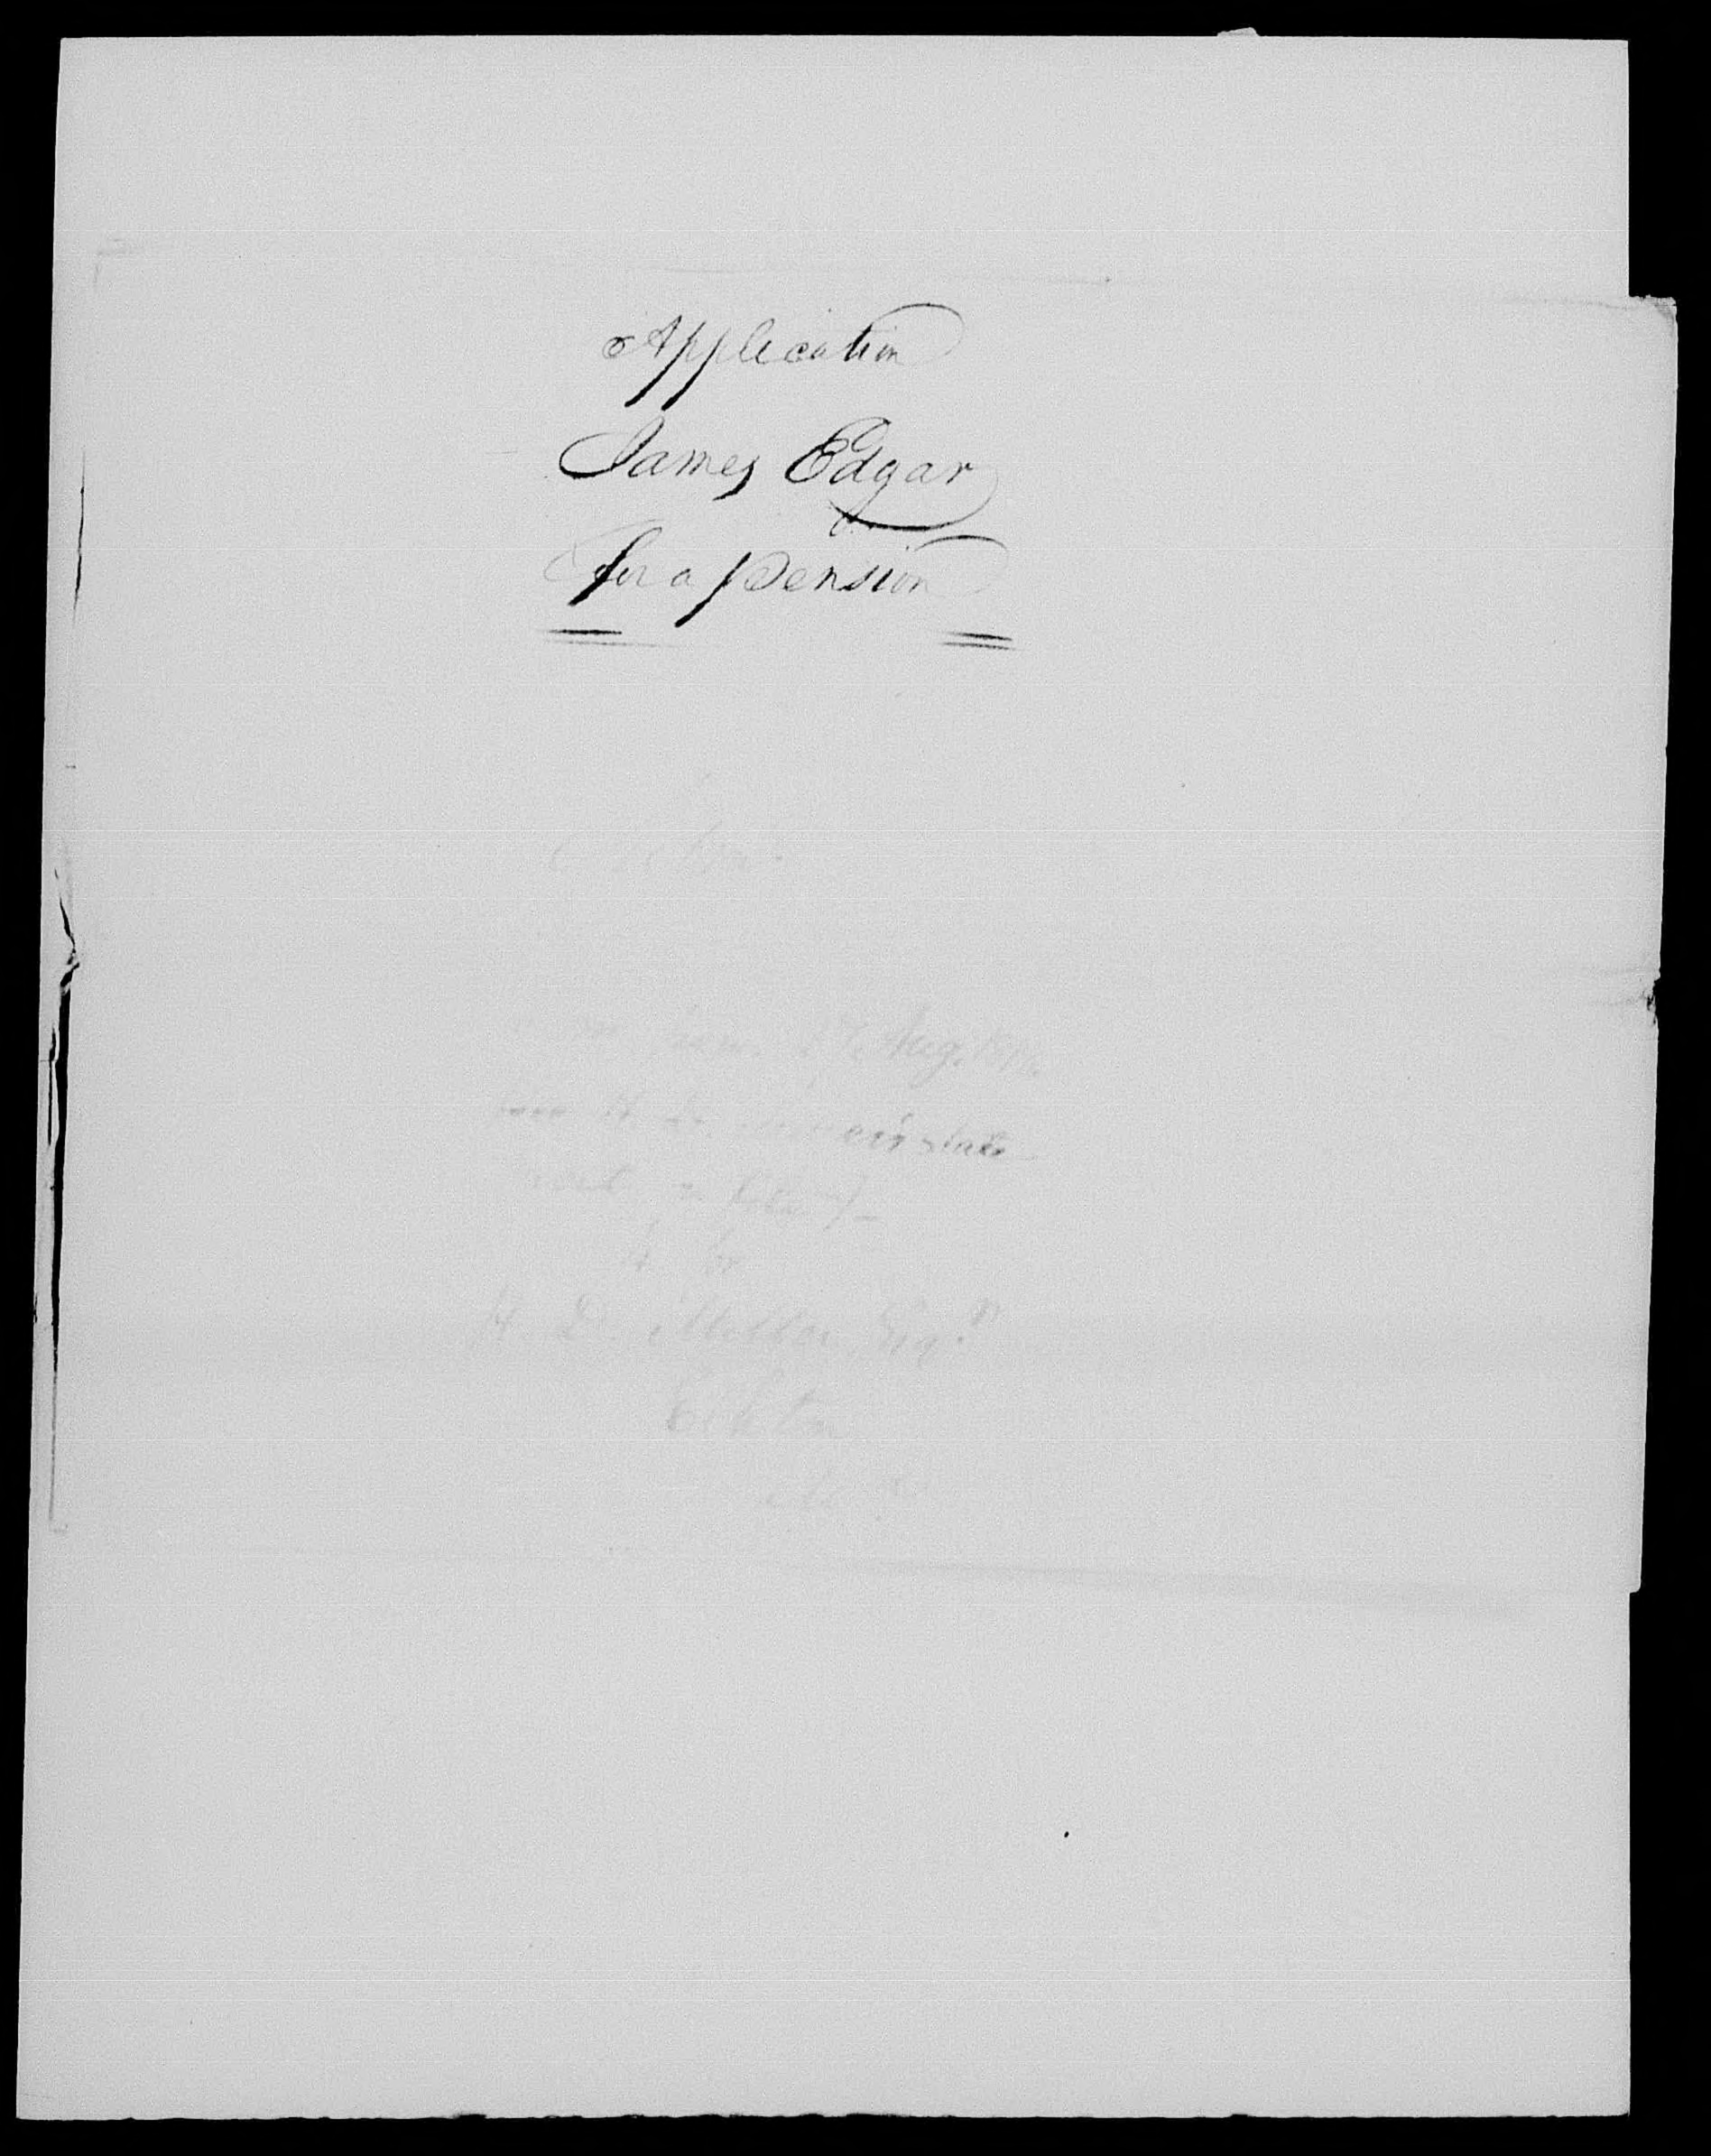Application
James Edgar
for a pension

[the rest of the page is too light and illegible]


H.D. Miller Esq.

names: James Edgar, H D Miller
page: 72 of 74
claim: widow's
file: W. 9422, James Edgar, Penn.